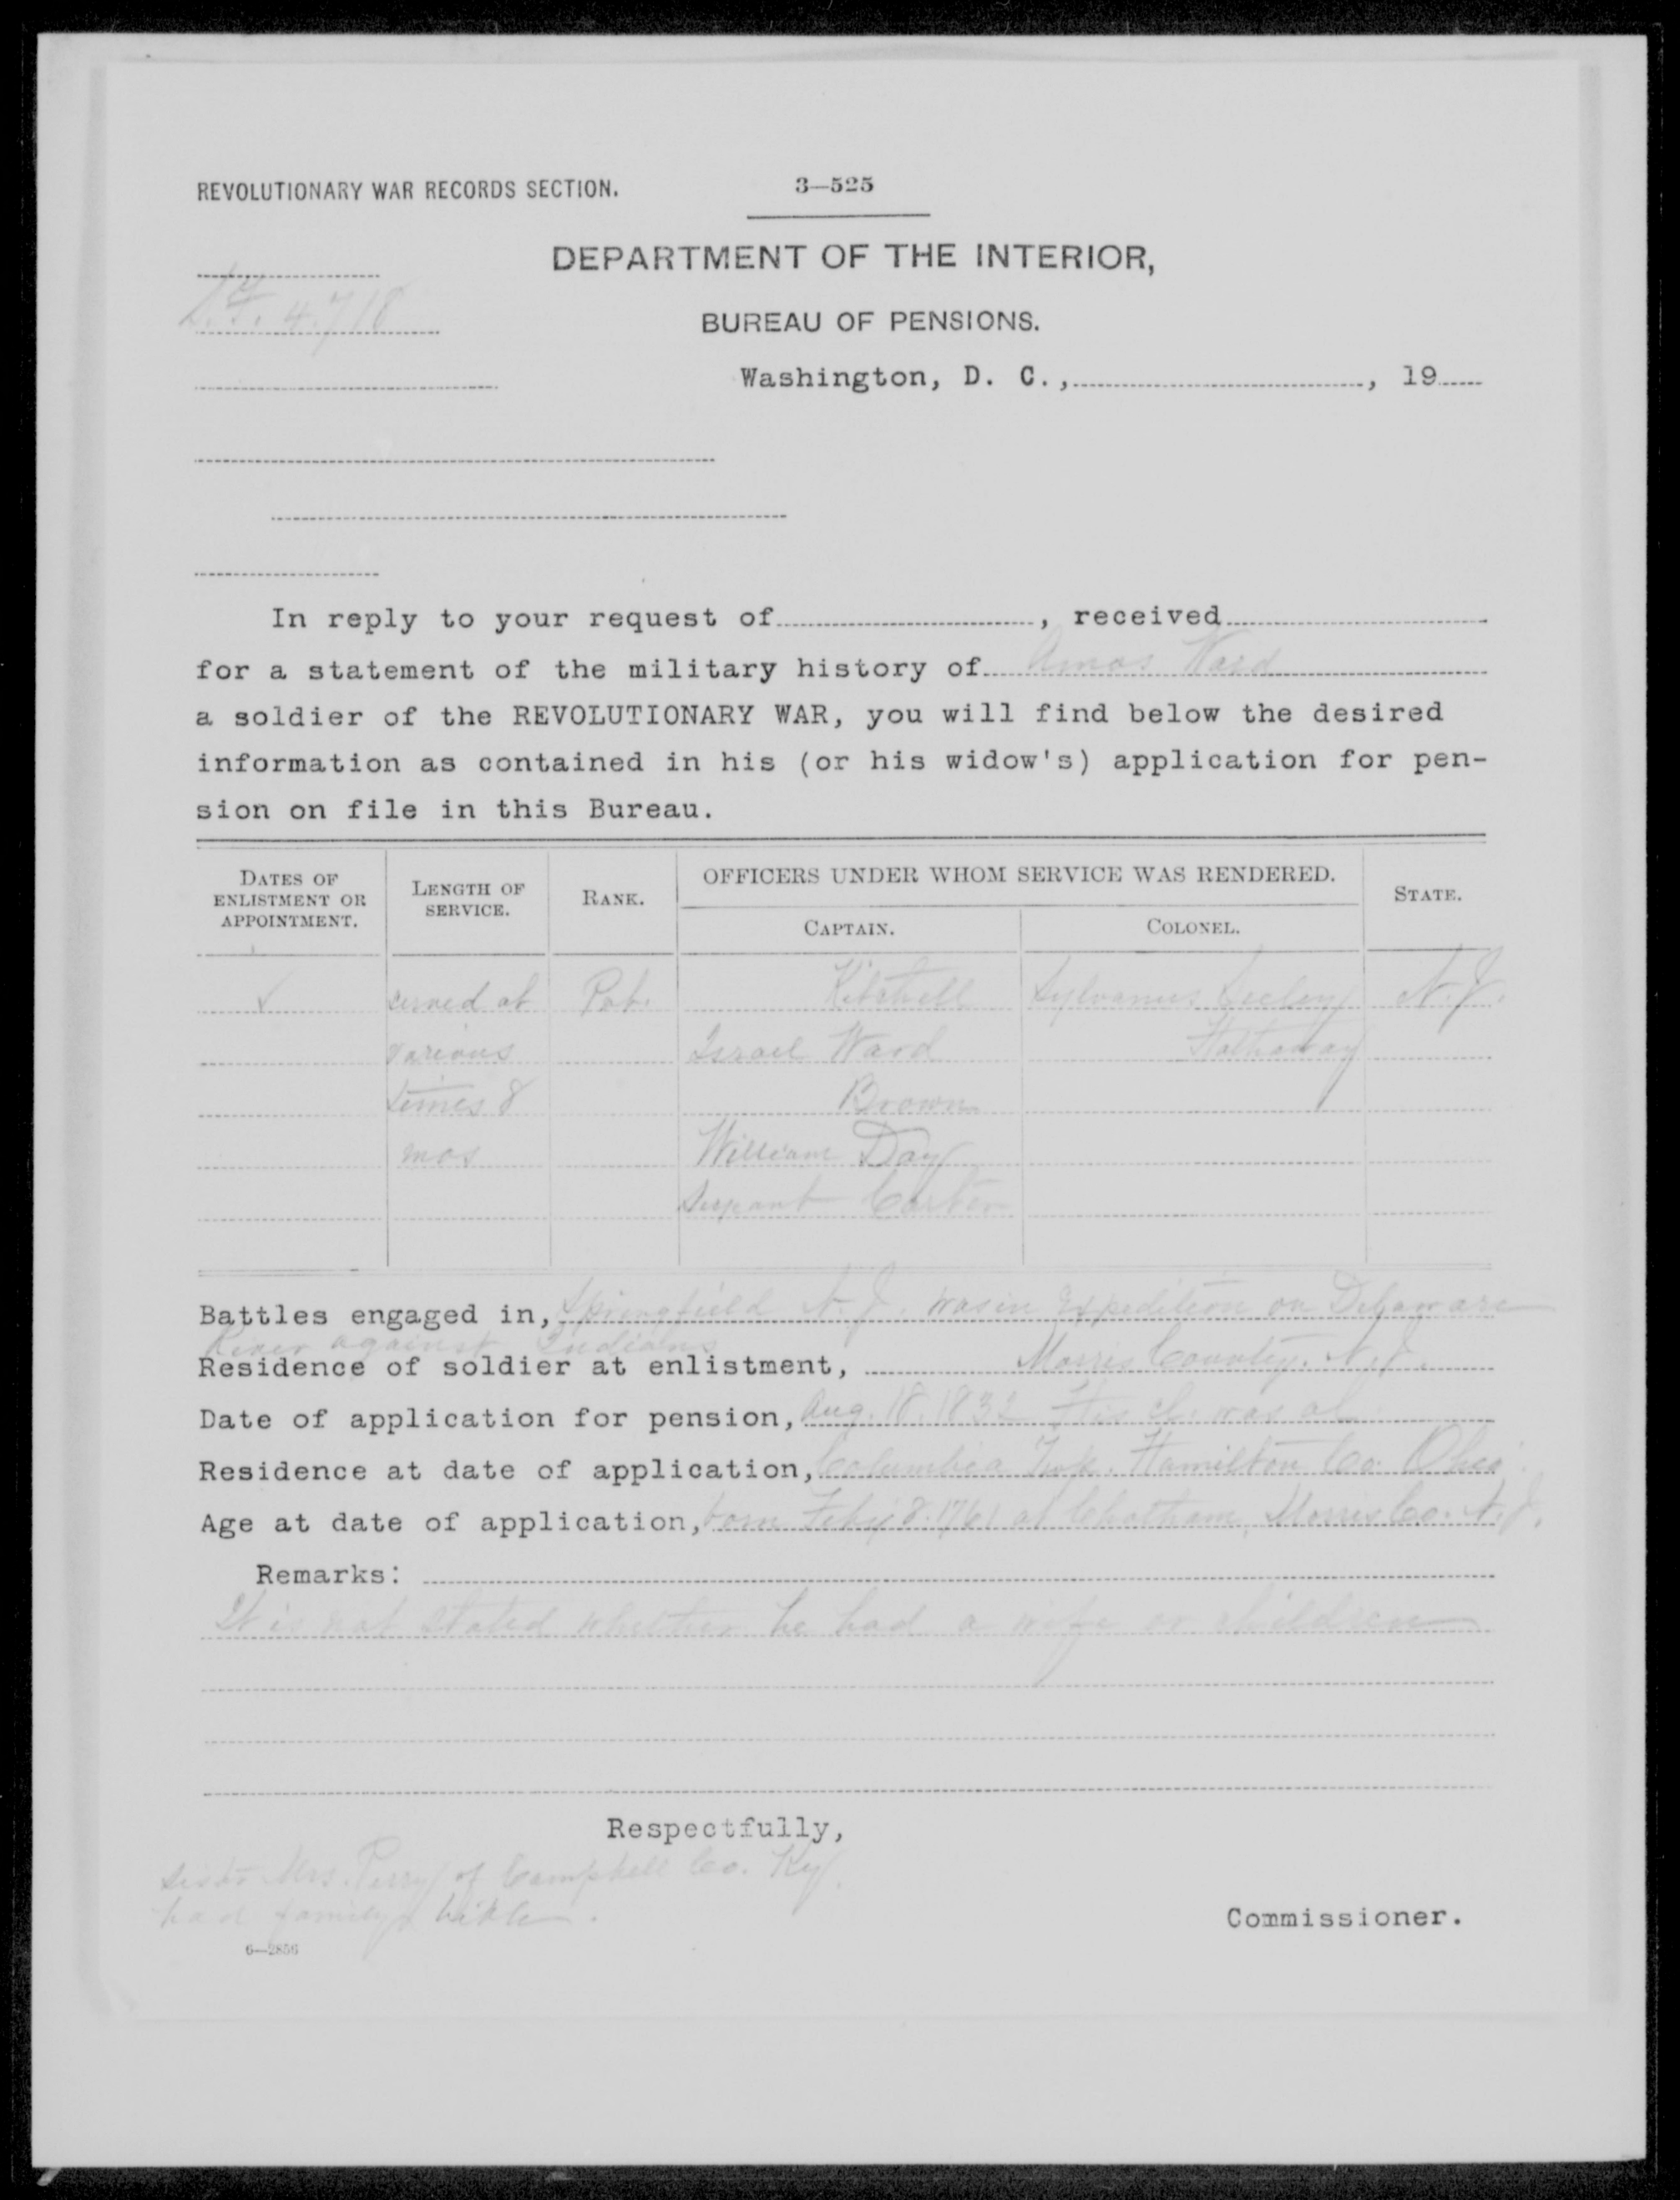REVOLUTIONARY WAR RECORDS SECTION.   3--525
DEPARTMENT OF THE INTERIOR. 
BUREAU OF PENSIONS. 
Washington, D. C. 19 
L.F. 4.718
In reply to your request of received for a statement of the military history of Amos Ward a soldier of the REVOLUTIONARY WAR, you will find below the desired formation as contained in his (or his widow's) application for pension on file in this Bureau. 

[Services rendered are presented in tabular form with the table column headings as follows:]
DATES OF ENLISTMENT OR APPOINTMENT. LENGTH OF SERVICE. 
RANK.
OFFICERS UNDER WHOM SERVICE WAS RENDERED. 
STATE.

LENGTH OF SERVICE.  served at various times 8 months
RANK.   Pvt.
OFFICERS UNDER WHOM SERVICE WAS RENDERED.  Captain Kitchell  Captain Israel Ward   Captain Brown   Captain William Day   Sergeant Carter    
Colonel Sylvanus Seelary    Colonel Hathaway
STATE.   N.J.

Battles engaged in, Springfield  N.J.  was in Expedition on Delaware River against Indians

Residence of soldier at enlistment,    Morris County, N.J. 

Date of application for pension, Aug. 18, 1832  His cl was al

Residence at date of application,   Columbia Twp. Hamilton Co: Ohio

Age at date of application, born Feby 8. 1761 at Chatham, Morris Co. N.J.

Remarks :  It is not stated whether he had a wife or children 

Respectfully, 
Commissioner.

Sister Mrs. Perry of Campbell Co. Ky had family bible. 
6 -- 2856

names: Carter, Sylvanus Seelary, Kitchell, Brown, Israel Ward, William Day, Amos Ward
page: 9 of 18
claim: survivor's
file: S. 4718, Amos Ward, New Jersey